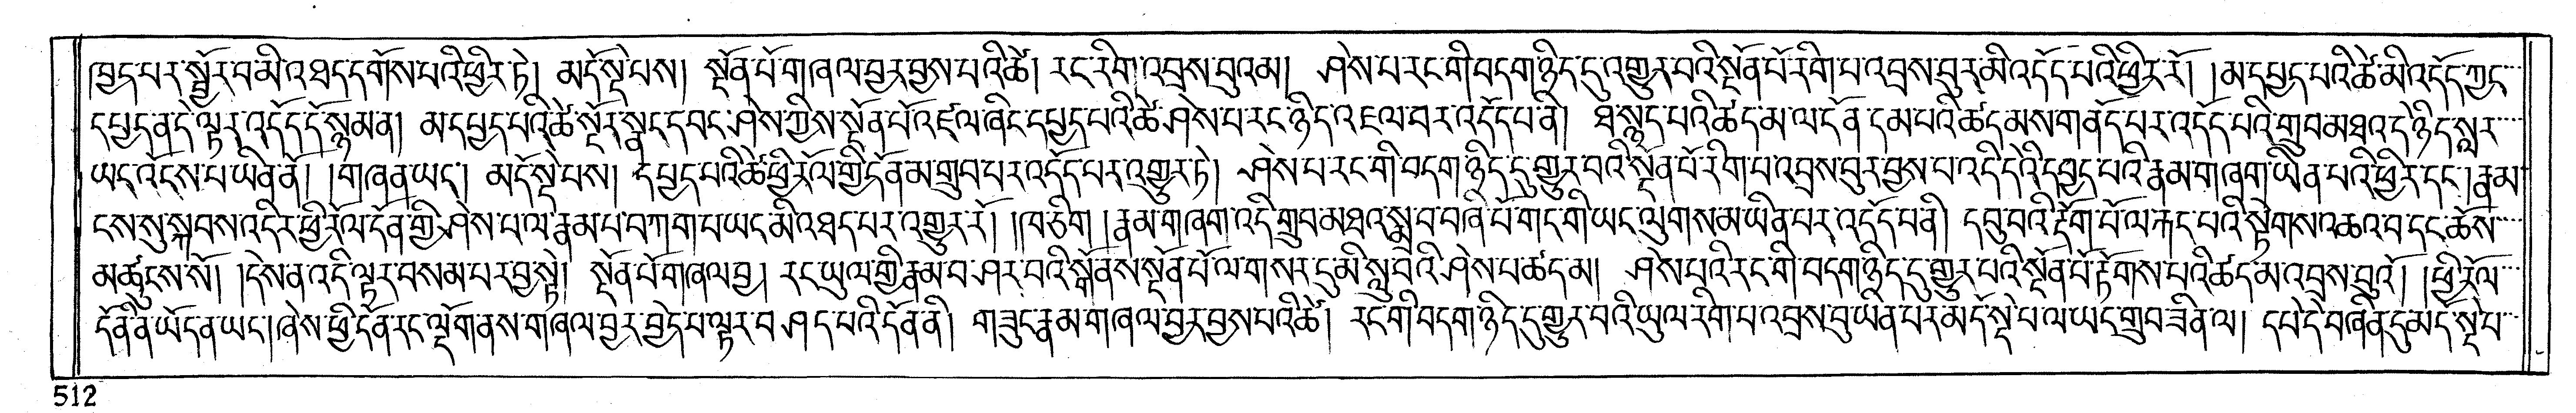ཁྱད་པར་སྦྱོར་བ་མི་འཐད་དགོས་པའི་ཕྱིར་ཏེ། མདོ་སྡེ་པས། སྔོན་པོ་གཞལ་བྱར་བྱས་པའི་ཚེ། རང་རིག་འབྲས་བུའམ། ཤེས་པ་རང་གི་བདག་ཉིད་དུ་འགྱུར་བའི་སྔོན་པོ་རིག་པ་འབྲས་བུར་མི་འདོད་པའི་ཕྱིར་རོ། །མ་དཔྱད་པའི་ཚེ་མི་འདོད་ཀྱང་
དཔྱད་ན་དེ་ལྟར་འདོད་དོ་སྙམ་ན། མ་དཔྱད་པའི་ཚེ་སྔོར་སྣང་དབང་ཤེས་ཀྱིས་སྔོན་པོ་འཇལ་ཞིང་དཔྱད་པའི་ཚེ་ཤེས་པ་རང་ཉིད་འཇལ་པར་འདོད་པ་ནི། ཐ་སྙད་པའི་ཚད་མ་ལ་དོན་དམ་པའི་ཚད་མས་གནོད་པར་འདོད་པའི་གྲུབ་མཐའ་དེ་ཉིད་སླར་
ཡང་འོངས་པ་ཡིན་ནོ། །གཞན་ཡང་། མདོ་སྡེ་པས། དཔྱད་པའི་ཚེ་ཕྱི་རོལ་གྱི་དོན་མ་གྲུབ་པར་འདོད་པར་འགྱུར་ཏེ། ཤེས་པ་རང་གི་བདག་ཉིད་དུ་གྱུར་པའི་སྔོན་པོ་རིག་པ་འབྲས་བུར་བྱས་པ་འདི་དེའི་དཔྱད་པའི་རྣམ་གཞག་ཡིན་པའི་ཕྱིར་དང་། རྣམ་
ངས་སུ་སྐབས་འདིར་ཕྱི་རོལ་དོན་གྱི་ཤེས་པ་ལ་རྣམ་པ་བཀག་པ་ཡང་མི་འཐད་པར་འགྱུར་རོ། །ཁ་ཅིག །རྣམ་གཞག་འདི་གྲུབ་མཐའ་སྨྲ་བ་བཞི་པོ་གང་གི་ཡང་ལུགས་མ་ཡིན་པར་འདོད་པ་ནི། དབུ་བའི་རྡོག་པོ་ལ་རྐང་པའི་སྟེགས་འཆའ་བ་དང་ཆོས་
མཚུངས་སོ། །དེས་ན་འདི་ལྟར་བསམ་པར་བྱ་སྟེ། སྔོན་པོ་གཞལ་བྱ། རང་ཡུལ་གྱི་རྣམ་པ་ཤར་བའི་སྒོ་ནས་སྔོན་པོ་ལ་གསར་དུ་མི་སླུ་བའི་ཤེས་པ་ཚད་མ། ཤེས་པའི་རང་གི་བདག་ཉིད་དུ་གྱུར་པའི་སྔོན་པོ་རྟོགས་པའི་ཚད་མ་འབྲས་བུའོ། །ཕྱི་རོལ་
དོན་ནི་ཡོད་ན་ཡང་། ཞེས་ཕྱི་དོན་རང་ལྡོག་ནས་གཞལ་བྱར་བྱེད་པ་ལྟར་བཤད་པའི་དོན་ནི། གཟུང་རྣམ་གཞལ་བྱར་བྱས་པའི་ཚེ། རང་གི་བདག་ཉིད་དུ་གྱུར་པའི་ཡུལ་རིག་པ་འབྲས་བུ་ཡིན་པར་མདོ་སྡེ་པ་ལ་ཡང་གྲུབ་ཟིན་ལ། དཔེ་དེ་བཞིན་དུ་མདོ་སྡེ་པ་